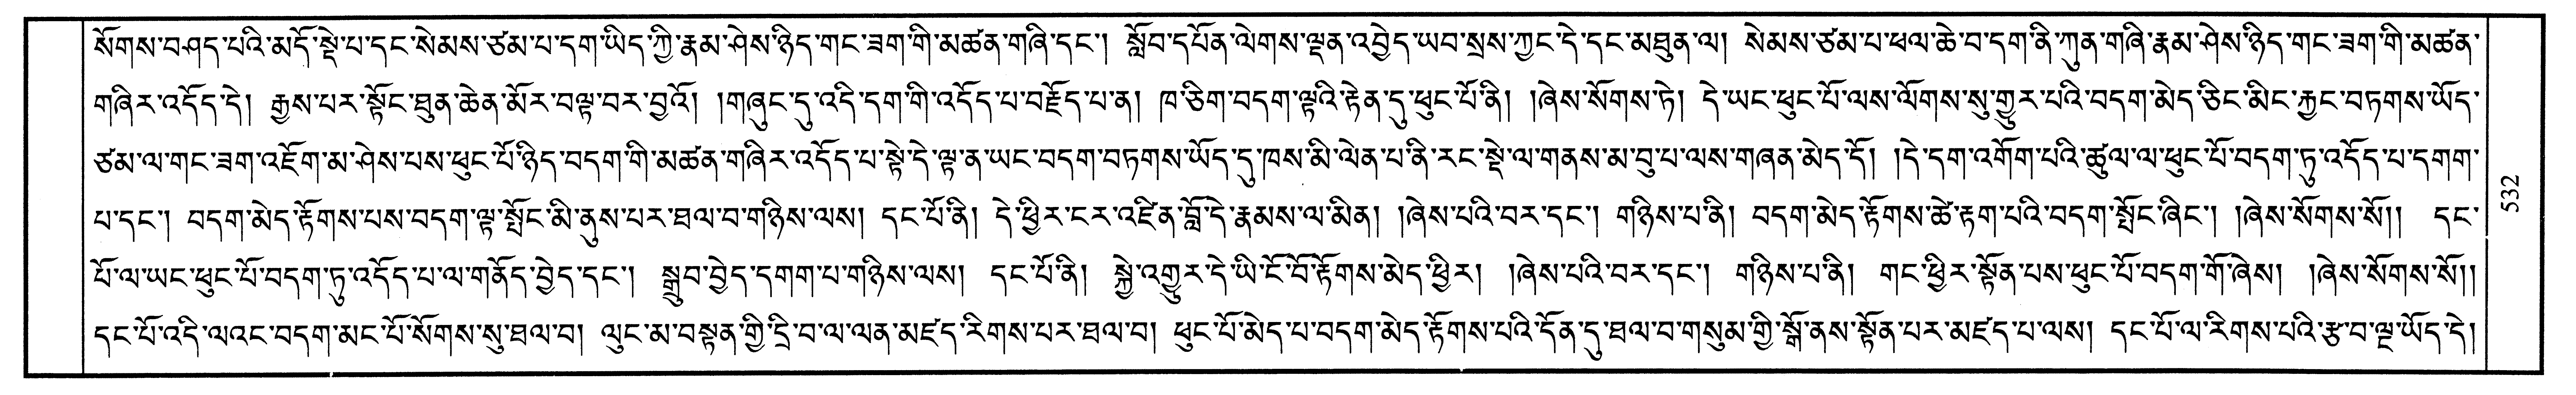སོགས་བཤད་པའི་མདོ་སྡེ་པ་དང་སེམས་ཙམ་པ་དག་ཡིད་ཀྱི་རྣམ་ཤེས་ཉིད་གང་ཟག་གི་མཚན་གཞི་དང་། སློབ་དཔོན་ལེགས་ལྡན་འབྱེད་ཡབ་སྲས་ཀྱང་དེ་དང་མཐུན་ལ། སེམས་ཙམ་པ་ཕལ་ཆེ་བ་དག་ནི་ཀུན་གཞི་རྣམ་ཤེས་ཉིད་གང་ཟག་གི་མཚན་
གཞིར་འདོད་དེ། རྒྱས་པར་སྟོང་ཐུན་ཆེན་མོར་བལྟ་བར་བྱའོ། །གཞུང་དུ་འདི་དག་གི་འདོད་པ་བརྗོད་པ་ན། ཁ་ཅིག་བདག་ལྟའི་རྟེན་དུ་ཕུང་པོ་ནི། །ཞེས་སོགས་ཏེ། དེ་ཡང་ཕུང་པོ་ལས་ལོགས་སུ་གྱུར་པའི་བདག་མེད་ཅིང་མིང་རྐྱང་བཏགས་ཡོད་
ཙམ་ལ་གང་ཟག་འཇོག་མ་ཤེས་པས་ཕུང་པོ་ཉིད་བདག་གི་མཚན་གཞིར་འདོད་པ་སྟེ་དེ་ལྟ་ན་ཡང་བདག་བཏགས་ཡོད་དུ་ཁས་མི་ལེན་པ་ནི་རང་སྡེ་ལ་གནས་མ་བུ་པ་ལས་གཞན་མེད་དོ། །དེ་དག་འགོག་པའི་ཚུལ་ལ་ཕུང་པོ་བདག་ཏུ་འདོད་པ་དགག་
པ་དང་། བདག་མེད་རྟོགས་པས་བདག་ལྟ་སྤོང་མི་ནུས་པར་ཐལ་བ་གཉིས་ལས། དང་པོ་ནི། དེ་ཕྱིར་ངར་འཛིན་བློ་དེ་རྣམས་ལ་མིན། །ཞེས་པའི་བར་དང་། གཉིས་པ་ནི། བདག་མེད་རྟོགས་ཚེ་རྟག་པའི་བདག་སྤོང་ཞིང་། །ཞེས་སོགས་སོ།། དང་
པོ་ལ་ཡང་ཕུང་པོ་བདག་ཏུ་འདོད་པ་ལ་གནོད་བྱེད་དང་། སྒྲུབ་བྱེད་དགག་པ་གཉིས་ལས། དང་པོ་ནི། སྐྱེ་འགྱུར་དེ་ཡི་ངོ་བོ་རྟོགས་མེད་ཕྱིར། །ཞེས་པའི་བར་དང་། གཉིས་པ་ནི། གང་ཕྱིར་སྟོན་པས་ཕུང་པོ་བདག་གོ་ཞེས། །ཞེས་སོགས་སོ།།
དང་པོ་འདི་ལའང་བདག་མང་པོ་སོགས་སུ་ཐལ་བ། ལུང་མ་བསྟན་གྱི་དྲི་བ་ལ་ལན་མཛད་རིགས་པར་ཐལ་བ། ཕུང་པོ་མེད་པ་བདག་མེད་རྟོགས་པའི་དོན་དུ་ཐལ་བ་གསུམ་གྱི་སྒོ་ནས་སྟོན་པར་མཛད་པ་ལས། དང་པོ་ལ་རིགས་པའི་རྩ་བ་ལྔ་ཡོད་དེ།